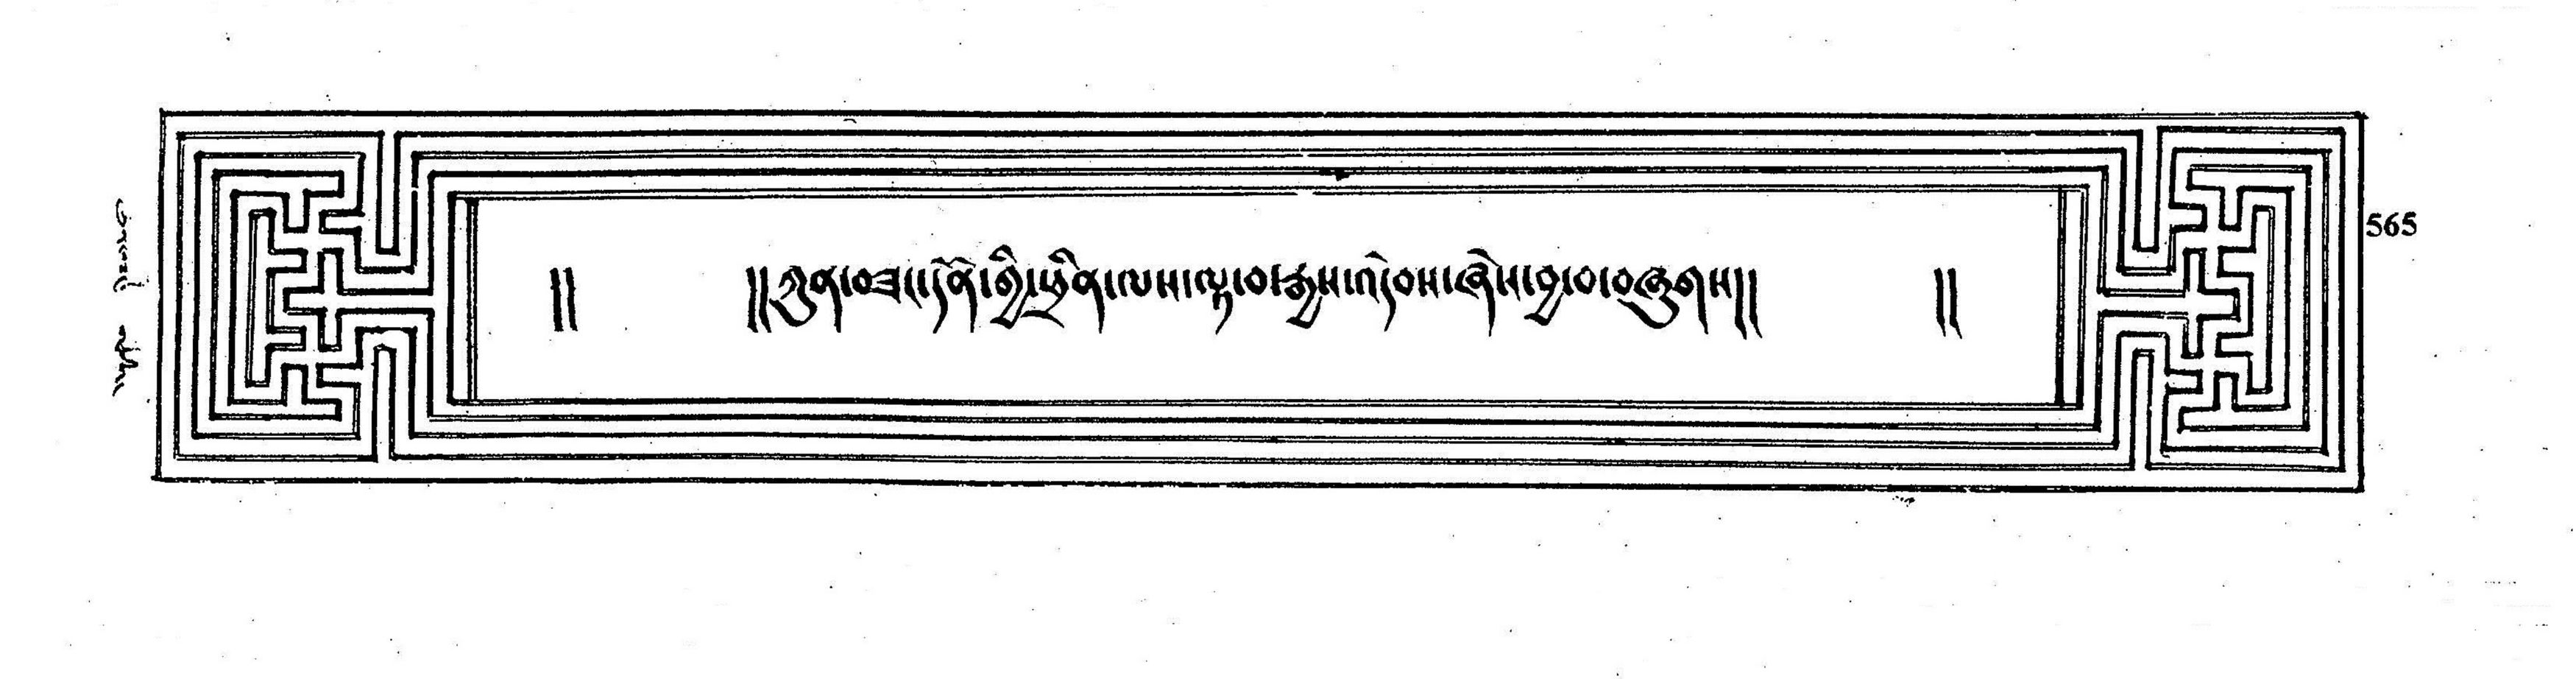།། །།ཀུན་བཟང་དོན་གྱི་ཕྲིན་ལས་ལྟ་བ་རྒྱས་འདེབས་ཞེས་བྱ་བ་བཞུགས།། །།